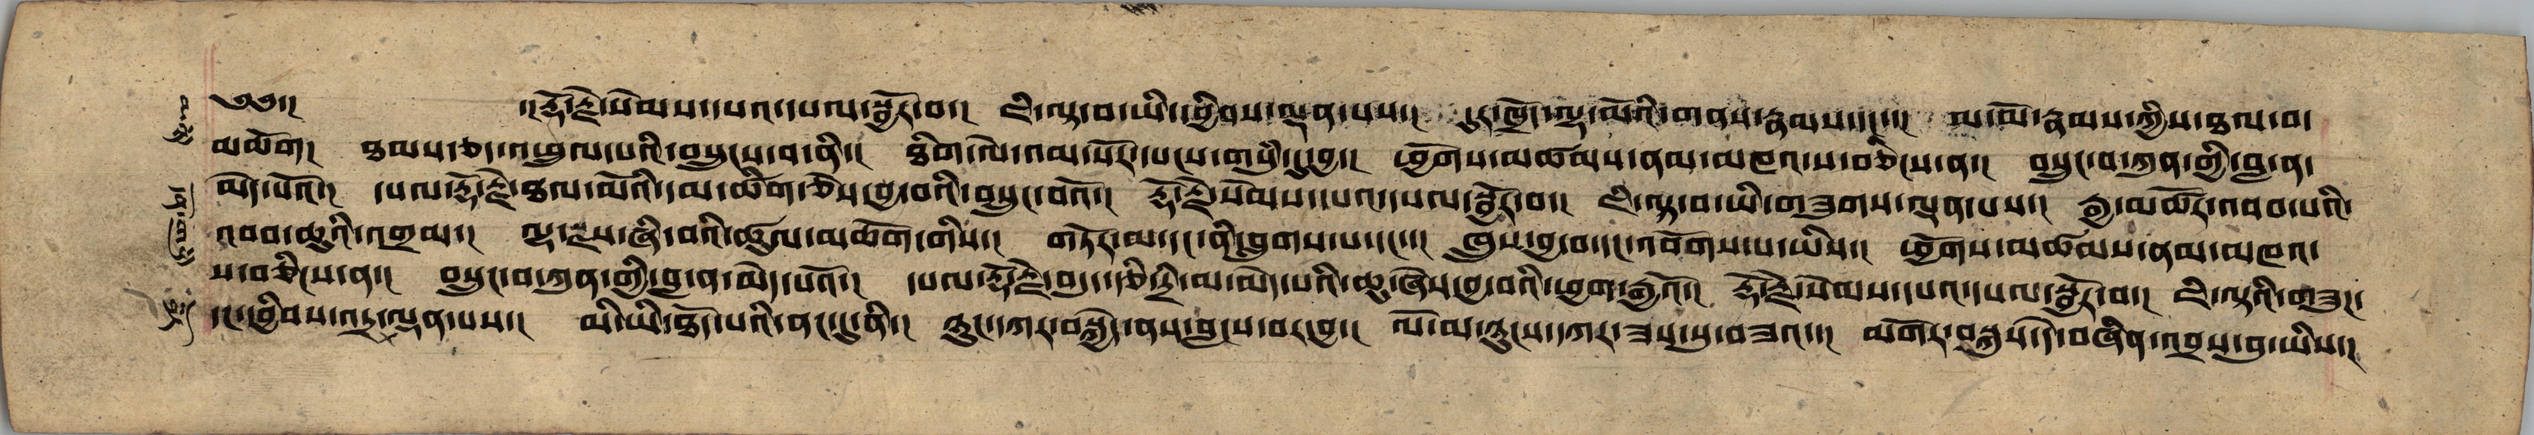༄༅་། ་།རྡོ་རྗེ་སེམས་དཔའ་དཔལ་སྦྱོར་བ་། ཇི་ལྟ་བ་ཡི་དབྱིབས་ལྡན་པས་། དུར་ཁྲོད་ལྷ་མོའི་གནས་རྣམས་དང་་། མ་མོ་རྣམས་ཀྱིས་ཐལ་བ་
མཆོག། ཐམས་ཅད་འཕྲུལ་པའི་བསྲུངས་བ་ནི་། ཐིག་ལེ་འམ་སོར་དཔངས་གསུཾ་དུ་བྱ་། ཕྱོགས་མཚམས་ནམ་མཁའ་ས་བཅིངས་ན་། བསྲུང་བ་ཀུན་གྱི་བླ་ན་
མེད་པའོ་། དཔལ་རྡོ་རྗེ་ཐལ་མོའི་དམ་ཚིག་ཅེས་བྱ་བའི་བསྲུང་བའོ་། རྡོ་རྗེ་སེམས་དཔའ་དཔལ་སྦྱོར་བ་། ཇི་ལྟ་བ་ཡི་གཟུགས་ལྡན་པས་། རྒྱ་མཚོར་འབབ་པའི་
འབབ་ཆུའི་འགྲམ་། ལྷ་སྫས་ཞི་བའི་ཚུལ་མཆོག་གིས་། གཏོར་མ་དང་ནི་བླུགས་པ་དང་་། ཁྲུས་བྱ་བ་དང་འབོགས་པ་ཡིས་། ཕྱོགས་མཚམས་ནམ་མཁའ་
ས་བཅིངས་ན་། བསྲུངས་བ་ཀུན་གྱི་བླ་ན་མེད་པའོ་། དཔལ་རྡོ་རྗེ་བདུད་རྩི་དྲི་མ་མེད་པའི་ཆུ་ཞེས་བྱ་བའི་ཕྱག་རྒྱའོ་། རྡོ་རྗེ་སེམས་དཔའ་དཔལ་སྦྱོར་བ་། ཇི་ལྟའི་གཟུཌ་
དང་དབྱིབས་འདྲ་ལྡན་པས་། མི་ཡི་ཐོད་པའི་ནང་དུ་ནི་། ཉུངས་དཀར་བསྐྱེད་ནས་བླངས་བར་བྱ་། ལོ་མ་ཉུངས་དཀར་ཟས་སུ་བཟའ་། མགོར་བསྐུས་དེ་བཞིན་འབྲས་བུ་ཡིས་།